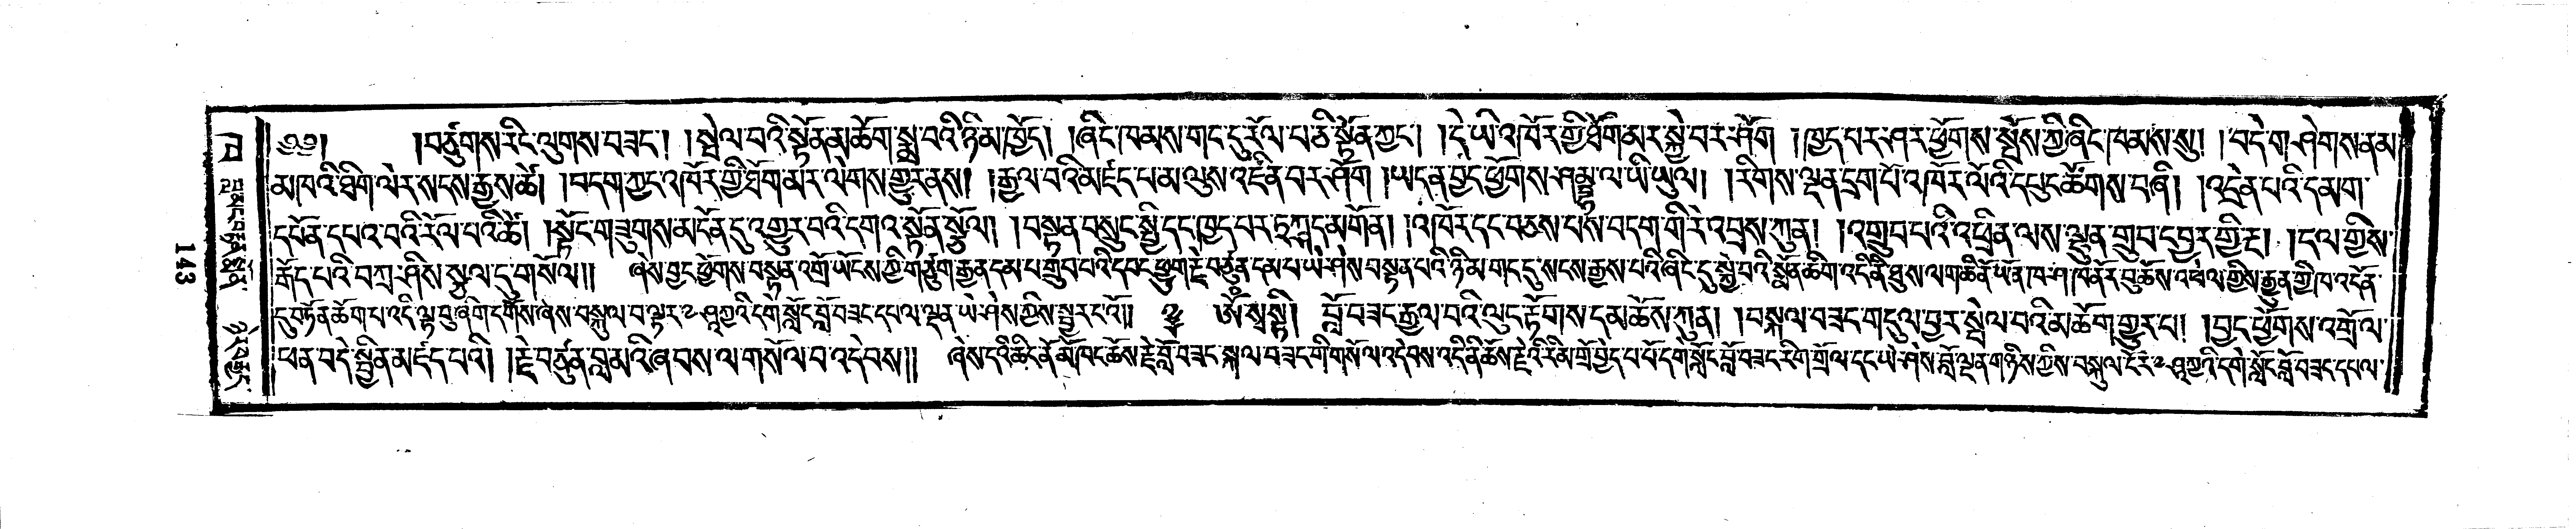༄༅། །བཙུགས་རིང་ལུགས་བཟང་། །སྦེལ་བའི་སྟོན་མཆོག་སྨྲ་བའི་ཉི་མ་ཁྱོད། །ཞིང་ཁམས་གང་དུ་རོལ་པ་ཅི་སྟོན་ཀྱང་། །དེ་ཡི་འཁོར་གྱི་ཐོག་མར་སྐྱེ་བར་ཤོག །ཁྱད་པར་ཤར་ཕྱོགས་སྤོས་ཀྱི་ཞིང་ཁམས་སུ། །བདེ་གཤེགས་ནམ་
མཁའི་ཐིག་ལེར་སངས་རྒྱས་ཚེ། །བདག་ཀྱང་འཁོར་གྱི་ཐོག་མར་ལེགས་གྱུར་ནས། །རྒྱལ་བའི་མཛད་པ་མ་ལུས་འཛིན་བར་ཤོག །ཡང་ན་བྱང་ཕྱོགས་ཤམྦྷ་ལ་ཡི་ཡུལ། །རིགས་ལྡན་དྲག་པོ་འཁོར་ལོའི་དཔུང་ཚོགས་བཞི། །འདྲེན་པའི་དམག་
དཔོན་དཔའ་བའི་རོལ་པའི་ཚེ། །སྟོང་གཟུགས་མངོན་དུ་འགྱུར་བའི་དགའ་སྟོན་སྩོལ། །བསྟན་བསྲུང་སྤྱི་དང་ཁྱད་པར་ཏྲཀྴད་མགོན། །འཁོར་དང་བཅས་པས་བདག་གི་རེ་འབྲས་ཀུན། །འགྲུབ་པའི་འཕྲིན་ལས་ལྷུན་གྲུབ་དབྱར་གྱི་རྔ། །དལ་གྱིས་
རྒོད་པའི་བཀྲ་ཤིས་སྩལ་དུ་གསོལ།། ཞེས་བྱང་ཕྱོགས་བསྟན་འགྲོ་ཡོངས་ཀྱི་གཙུག་རྒྱན་དམ་པ་གྲུབ་པའི་དབང་ཕྱུག་རྗེ་བཙུན་དམ་པ་ཡེ་ཤེས་བསྟན་པའི་ཉི་མ་གང་དུ་སངས་རྒྱས་པའི་ཞིང་དུ་སྐྱེ་བའི་སྨོན་ཚིག་འདི་ནི་ཐུ་ས་ལག་ཆི་ནོ་ཡོན་ཁ་ཤ་ཁ་ནོར་བུ་ཆོས་འཕེལ་གྱིས་རྒྱུན་གྱི་ཁ་འདོན་
དུ་བཏོན་ཆོག་པ་འདི་ལྟ་བུ་ཞིག་དགོས་ཞེས་བསྐུལ་བ་ལྟར་༧་ཤཱཀྱའི་དགེ་སློང་བློ་བཟང་དཔལ་ལྡན་ཡེ་ཤེས་ཀྱིས་སྦྱར་བའོ།། ༈ ཨོཾ་སྭ་སྟི། བློ་བཟང་རྒྱལ་བའི་ལུང་རྟོགས་དམ་ཆོས་ཀུན། །བསྐལ་བཟང་གདུལ་བྱར་སྤེལ་བའི་མཆོག་གྱུར་པ། །བྱང་ཕྱོགས་འགྲོ་ལ་
ཕན་བདེ་སྦྱིན་མཛད་པའི། །རྗེ་བཙུན་བླ་མའི་ཞབས་ལ་གསོལ་བ་འདེབས།། ཞེས་དའི་ཆིང་ནོ་མོ་ཁང་ཆོས་རྗེ་བློ་བཟང་སྐལ་བཟང་གི་གསོལ་འདེབས་འདི་ནི་ཆོས་རྗེའི་རིམ་གྲོ་བྱེད་པ་པོ་དགེ་སློང་བློ་བཟང་རིག་གྲོལ་དང་ཡེ་ཤེས་བློ་ལྡན་གཉིས་ཀྱིས་བསྐུལ་ངོར་༧་ཤཱཀྱའི་དགེ་སློང་བློ་བཟང་དཔལ་